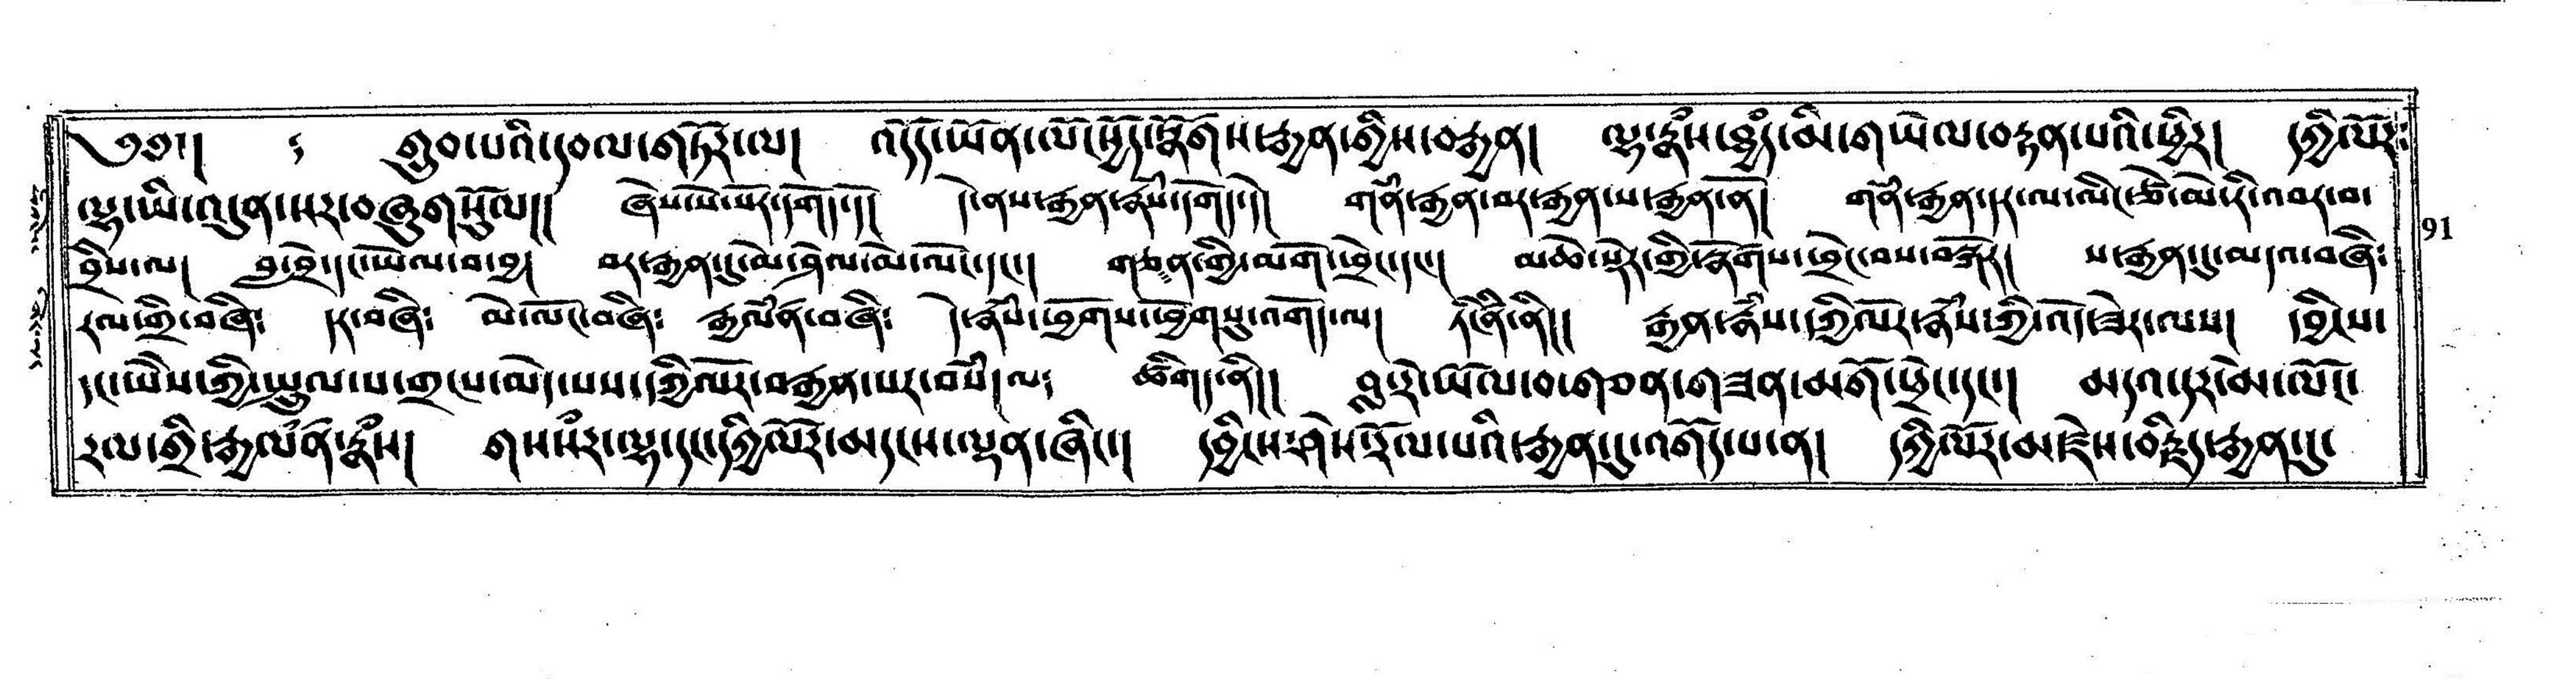གྲུབ་པའི་དབལ་གཏོར་ལ། འདོད་ཡོན་ལོངས་སྤྱོད་སྣ་ཚོགས་རྒྱན་གྱིས་བརྒྱན། ལྷ་རྣམས་ཐུགས་དམ་མི་གཡེལ་བརྟན་པའི་ཕྱིར། དཀྱིལ་འཁོར་
ལྷ་ཡི་འདུན་སར་བཞུགས་སུ་གསོལ།། ཞེས་སོ་སོར་དགོད་དོ། དེ་ནས་རྒྱན་རྣམས་དགོད་དེ། གནམ་རྒྱན་བར་རྒྱན་ས་རྒྱན་ནོ། གནམ་རྒྱན་དར་ལ་ལིང་ཙེ་མེ་རི་འབར་བ་
བྲིས་ལ། བླ་བྲེ་དང་ཡོལ་བ་བྱ། བར་རྒྱན་དུ་མེ་ཤེལ་མེ་ལོང་དང་། གཅན་ཟན་གྱི་མགོ་ཕྲེང་དང་། མཆེ་སྡེར་གྱི་སྣ་ཚོགས་ཕྲེང་བས་བསྐོར། ས་རྒྱན་དུ་མདའ་བཞི༴ 
རལ་གྲི་བཞི༴ དར་བཞི༴ མེ་ལོང་བཞི༴ རྒྱལ་མཚན་བཞི༴ དེ་རྣམས་ཕྱོགས་ཕྱོགས་སུ་འགོད་ལ། ཏིང་འཛིན་ནི།། རྒྱན་རྣམས་དཀྱིལ་འཁོར་རྣམས་ཀྱི་འོད་ཟེར་ལས། དབྱིངས་
དང་ཡེ་ཤེས་ཀྱི་སྤྲུལ་པ་གྲངས་མེད་པས་དཀྱིལ་འཁོར་བརྒྱན་པར་བསམ།ལ ཚིག་བཤད་ནི།། བླ་རེ་ཡོལ་བ་གཅན་གཟན་མགོ་ཕྲེང་དང་། མདའ་དར་མེ་ལོང་
རལ་གྲི་རྒྱལ་མཚན་རྣམས། གསས་མཁར་ལྷ་དང་དཀྱིལ་འཁོར་མདངས་ལྡན་ཞིང་། དབྱིངས་ཤེས་རོལ་པའི་རྒྱན་དུ་འགོད་པ་ན། དཀྱིལ་འཁོར་མཛེས་བརྗིད་རྒྱན་དུ་